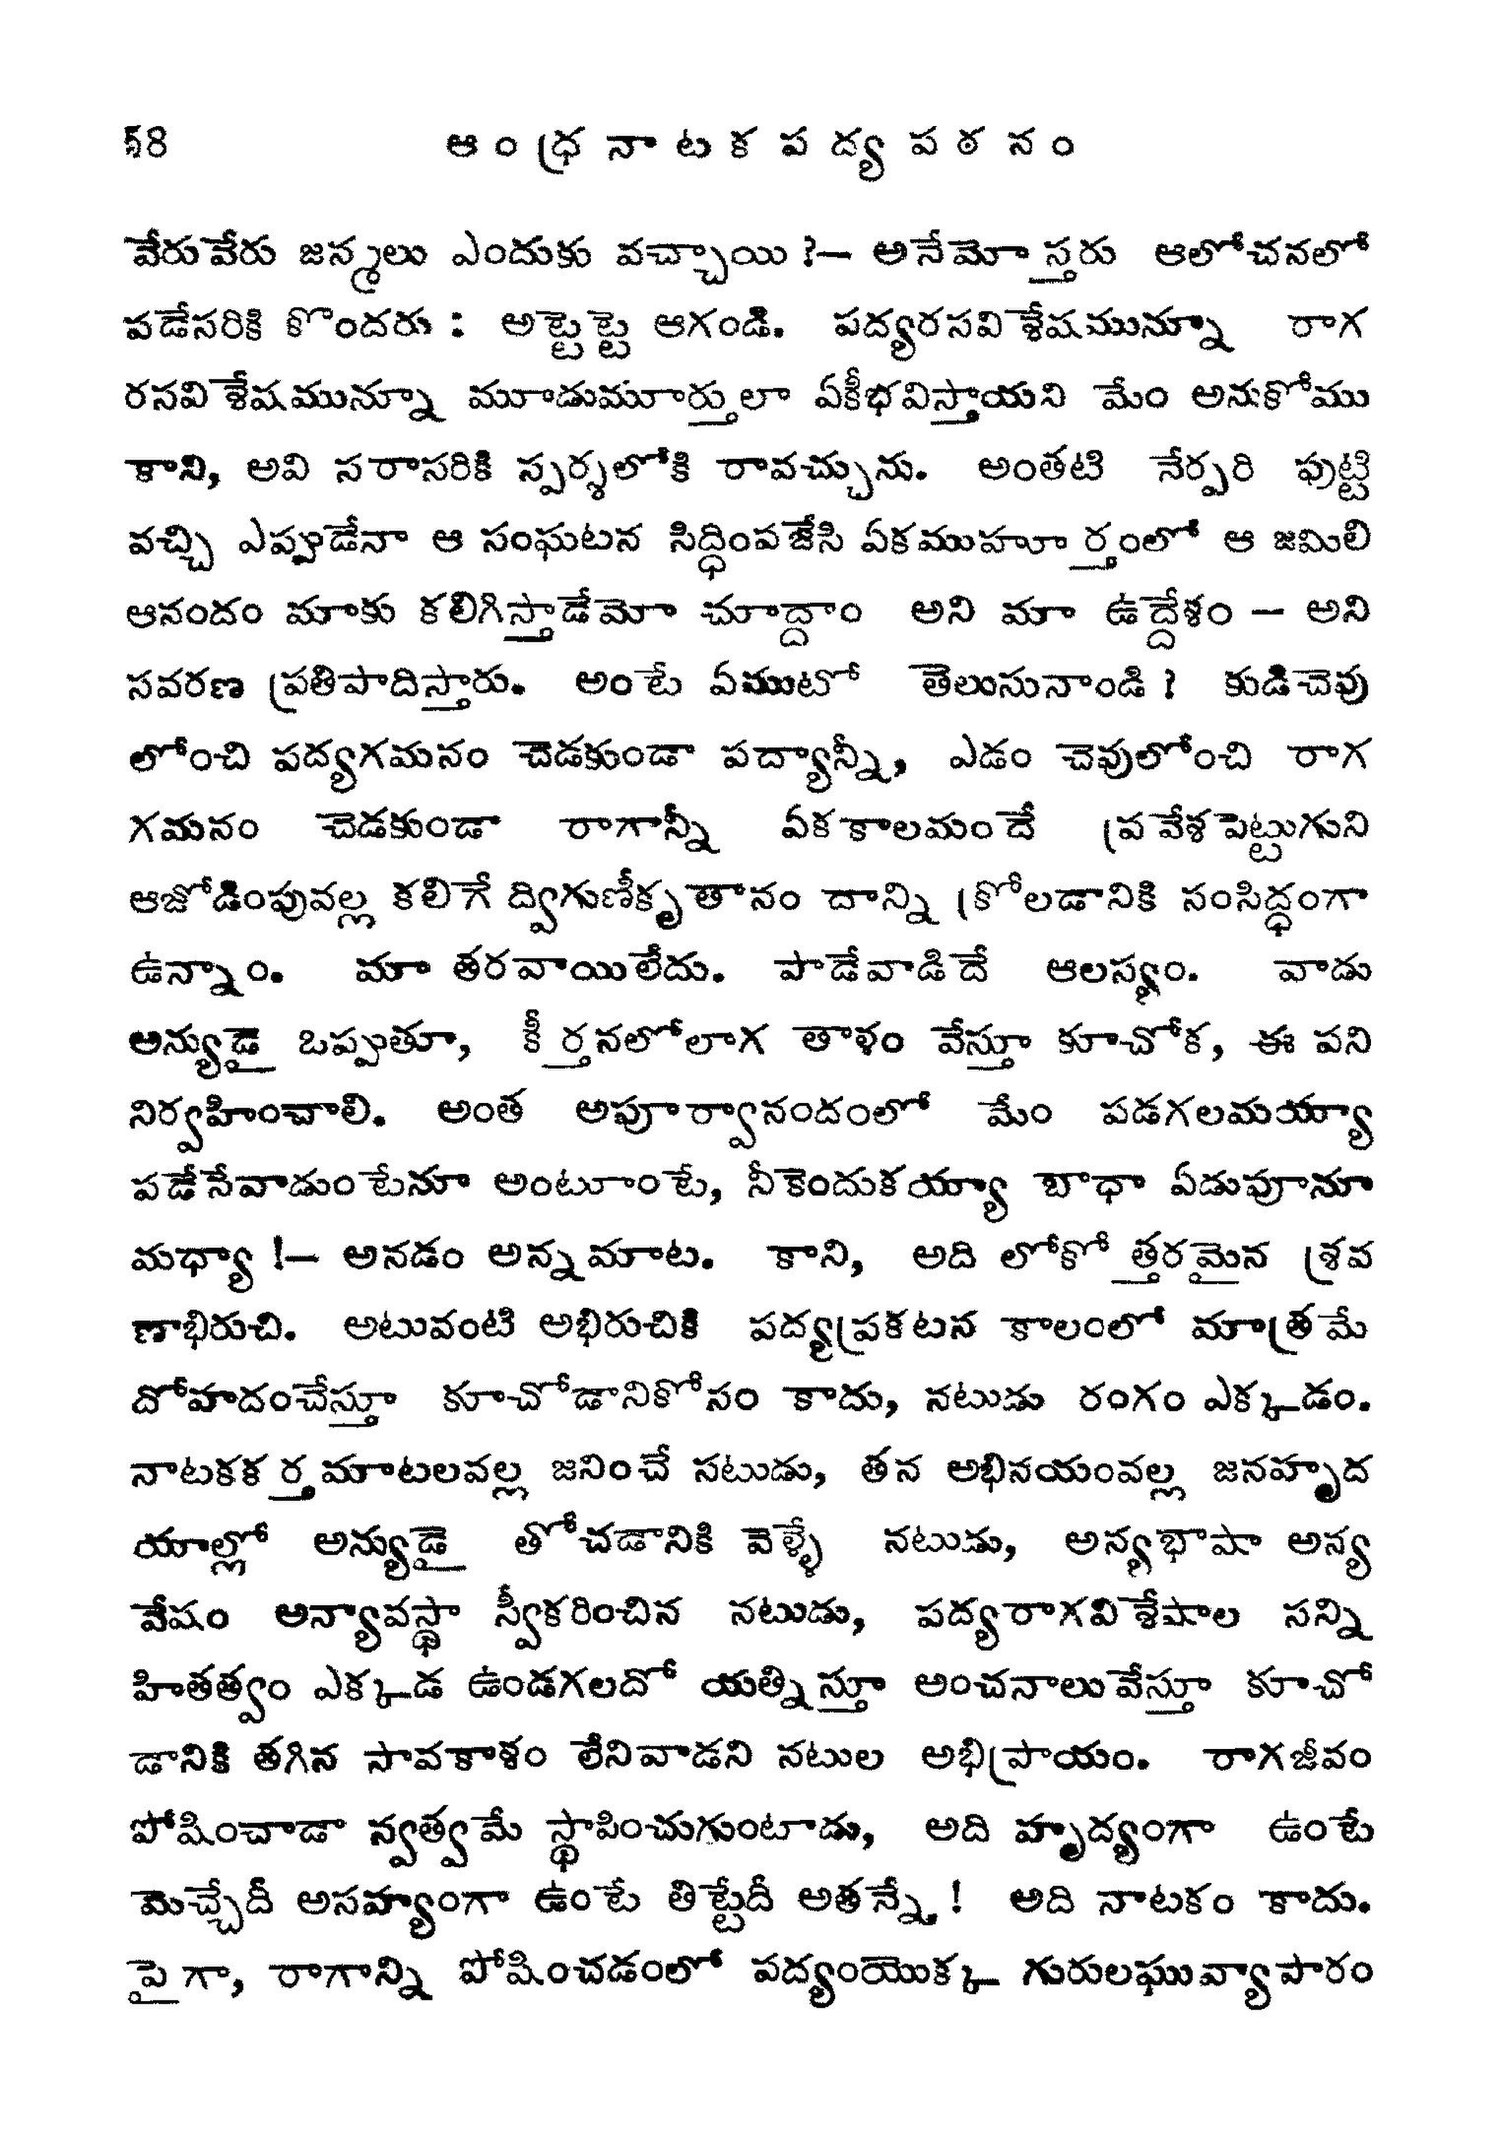వేరువేరు జన్మలు ఎందుకు వచ్చాయి ? - అనేమోస్తరు ఆలోచనలో
పడేసరికి కొందరు : అట్టెట్టె ఆగండి. పద్యరసవిశేషమున్నూ రాగ
రసవిశేషమున్నూ మూడుమూర్తులా ఏకీభవిస్తాయని మేం అనుకోము
కాని, అవి సరాసరికి స్పర్శలోకి రావచ్చును. అంతటి నేర్పరి పుట్టి
వచ్చి ఎప్పుడేనా ఆ సంఘటన సిద్ధింపజేసి ఏకముహూర్తంలో ఆ జమిలి
ఆనందం మాకు కలిగిస్తాడేమో చూద్దాం అని మా ఉద్దేశం - అని
సవరణ ప్రతిపాదిస్తారు. అంటే ఏముటో తెలుసునాండి ? కుడిచెవు
లోంచి పద్యగమనం చెడకుండా పద్యాన్నీ, ఎడం చెవులోంచి రాగ
గమనం చెడకుండా రాగాన్నీ ఏకకాలమందే ప్రవేశపెట్టుగుని
ఆజోడింపువల్ల కలిగే ద్విగుణీకృతానం దాన్ని క్రోలడానికి సంసిద్ధంగా
ఉన్నాం. మా తరవాయిలేదు. పాడేవాడిదే ఆలస్యం. వాడు
అన్యుడై ఒప్పుతూ, కీర్తనలోలాగ తాళం వేస్తూ కూచోక, ఈ పని
నిర్వహించాలి. అంత అపూర్వానందంలో మేం పడగలమయ్యా
పడేసేవాడుంటేనూ అంటూంటే, నీకెందుకయ్యా బాధా ఏడుపూనూ
మధ్యా !– అనడం అన్నమాట. కాని, అది లోకోత్తరమైన శ్రవ
ణాభిరుచి. అటువంటి అభిరుచికి పద్యప్రకటన కాలంలో మాత్రమే
దోహదంచేస్తూ కూచోడానికోసం కాదు, నటుడు రంగం ఎక్కడం.
నాటకకర్తమాటలవల్ల జనించే నటుడు, తన అభినయంవల్ల జనహృద
యాల్లో అన్యుడై తోచడానికి వెళ్ళే నటుడు, అన్యభాషా అన్య
వేషం అన్యావస్థా స్వీకరించిన నటుడు, పద్యరాగవిశేషాల సన్ని
హితత్వం ఎక్కడ ఉండగలదో యత్నిస్తూ అంచనాలువేస్తూ కూచో
డానికి తగిన సావకాశం లేనివాడని నటుల అభిప్రాయం. రాగజీవం
పోషించాడా న్వత్వమే స్థాపించుకుంటాడు, అది హృద్యంగా ఉంటే
మెచ్చేదీ అసహ్యంగా ఉంటే తిట్టేదీ అతన్నే! అది నాటకం కాదు.
పైగా, రాగాన్ని పోషించడంలో పద్యంయొక్క గురులఘువ్యాపారం